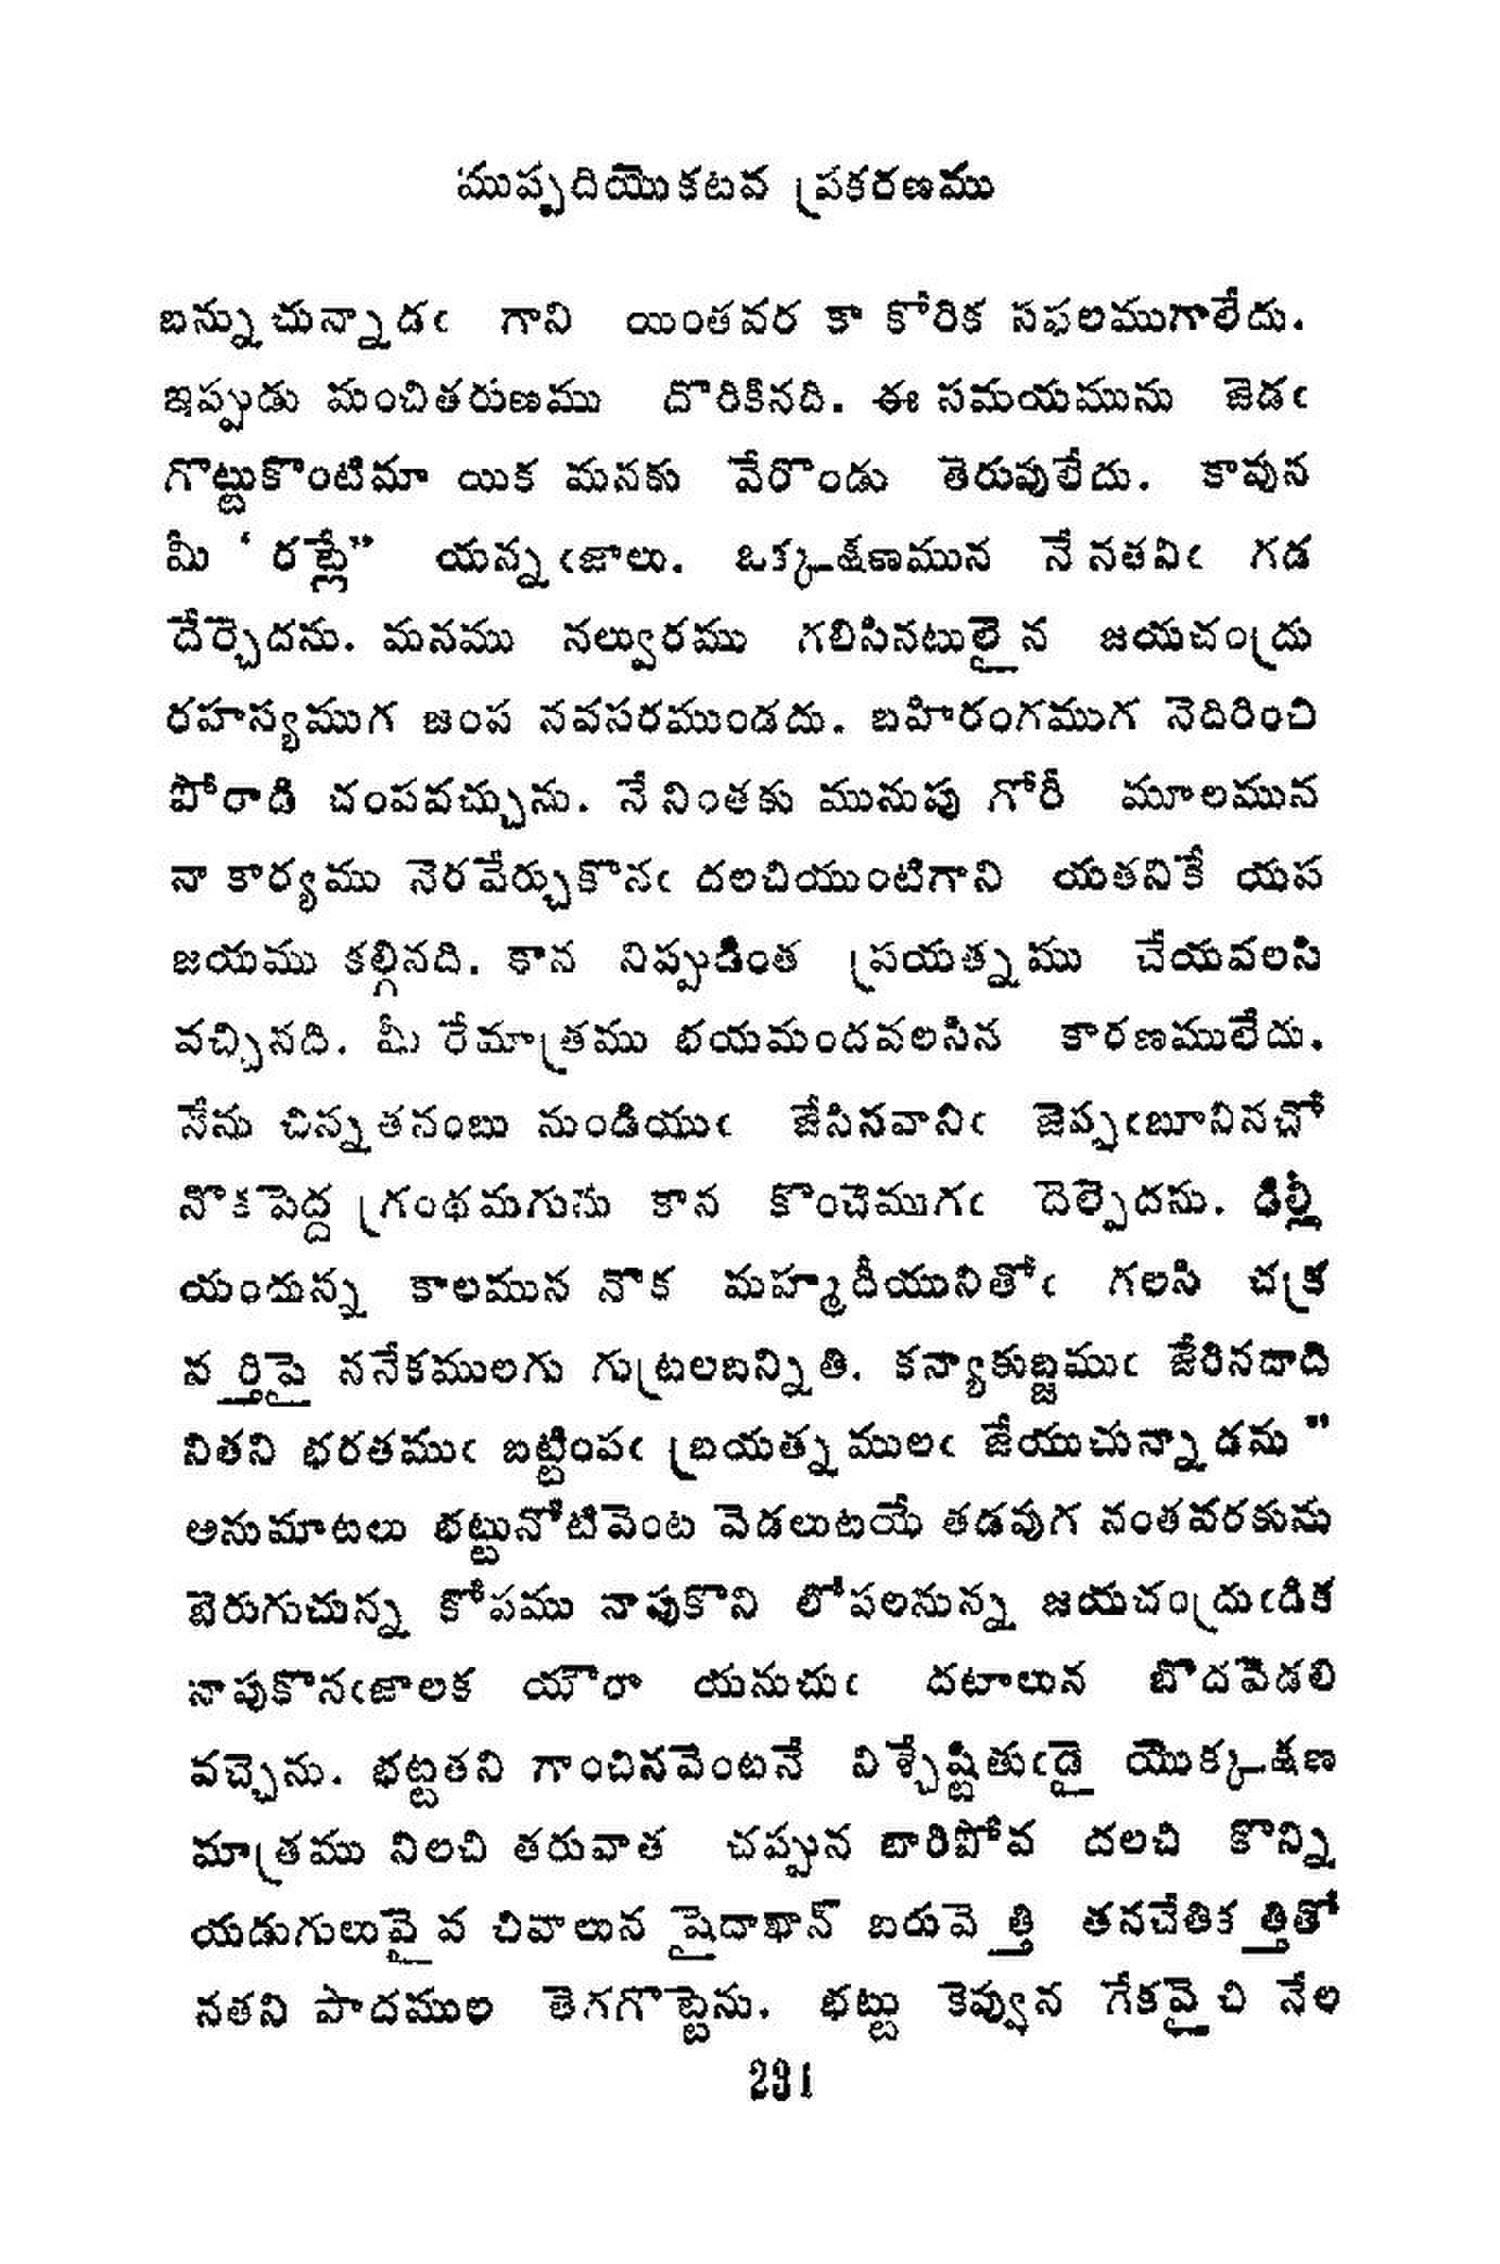బన్నుచున్నాడఁ గాని యింతవర కా కోరిక సఫలముగాలేదు. ఇప్పుడు మంచితరుణము దొరికినది. ఈ సమయమును జెడఁ గొట్టుకొంటిమా యిక మనకు వేరొండు తెరుపులేదు. కావున మీ 'రట్లే" యన్నఁజాలు. ఒక్కక్షణమున నేనతనిఁ గడదేర్చెదను. మనము నల్వురము గలిసినటులైన జయచంద్రు రహస్యముగ జంప నవసరముండదు. బహిరంగముగ నెదిరించి పోరాడి చంపవచ్చును. నేనింతకు మునుపు గోరీ మూలమున నా కార్యము నెరవేర్చుకొనఁ దలచియుంటిగాని యతనికే యపజయము కల్గినది. కాన నిప్పుడింత ప్రయత్నము చేయవలసి వచ్చినది. మీ రేమాత్రము భయమందవలసిన కారణములేదు. నేను చిన్నతనంబు నుండియుఁ జేసినవానిఁ జెప్పఁబూనినచో నొకపెద్ద గ్రంథమగును కాన కొంచెముగఁ దెల్పెదను. ఢిల్లీ యందున్న కాలమున నొక మహ్మదీయునితోఁ గలసి చక్రవర్తిపై ననేకములగు గుట్రలబన్నితి, కన్యాకుబ్జముఁ జేరినదాది నితని భరతముఁ బట్టింపఁ బ్రయత్నములఁ జేయుచున్నాడను" అనుమాటలు భట్టునోటివెంట వెడలుటయే తడవుగ నంతవరకును బెరుగుచున్న కోపము నాపుకొని లోపలనున్న జయచంద్రుఁడిక నాపుకొనఁజాలక యౌరా యనుచుఁ దటాలున బొదవెడలి వచ్చెను. భట్టతని గాంచినవెంటనే నిశ్చేష్టితుఁడై యొక్క క్షణ మాత్రము నిలచి తరువాత చప్పున బారిపోవ దలచి కొన్ని యడుగులువైవ చివాలున షైదాఖాన్ బరువెత్తి తనచేతికత్తితో నతని పాదముల తెగగొట్టెను. భట్టు కెవ్వున గేకవైచి నేల